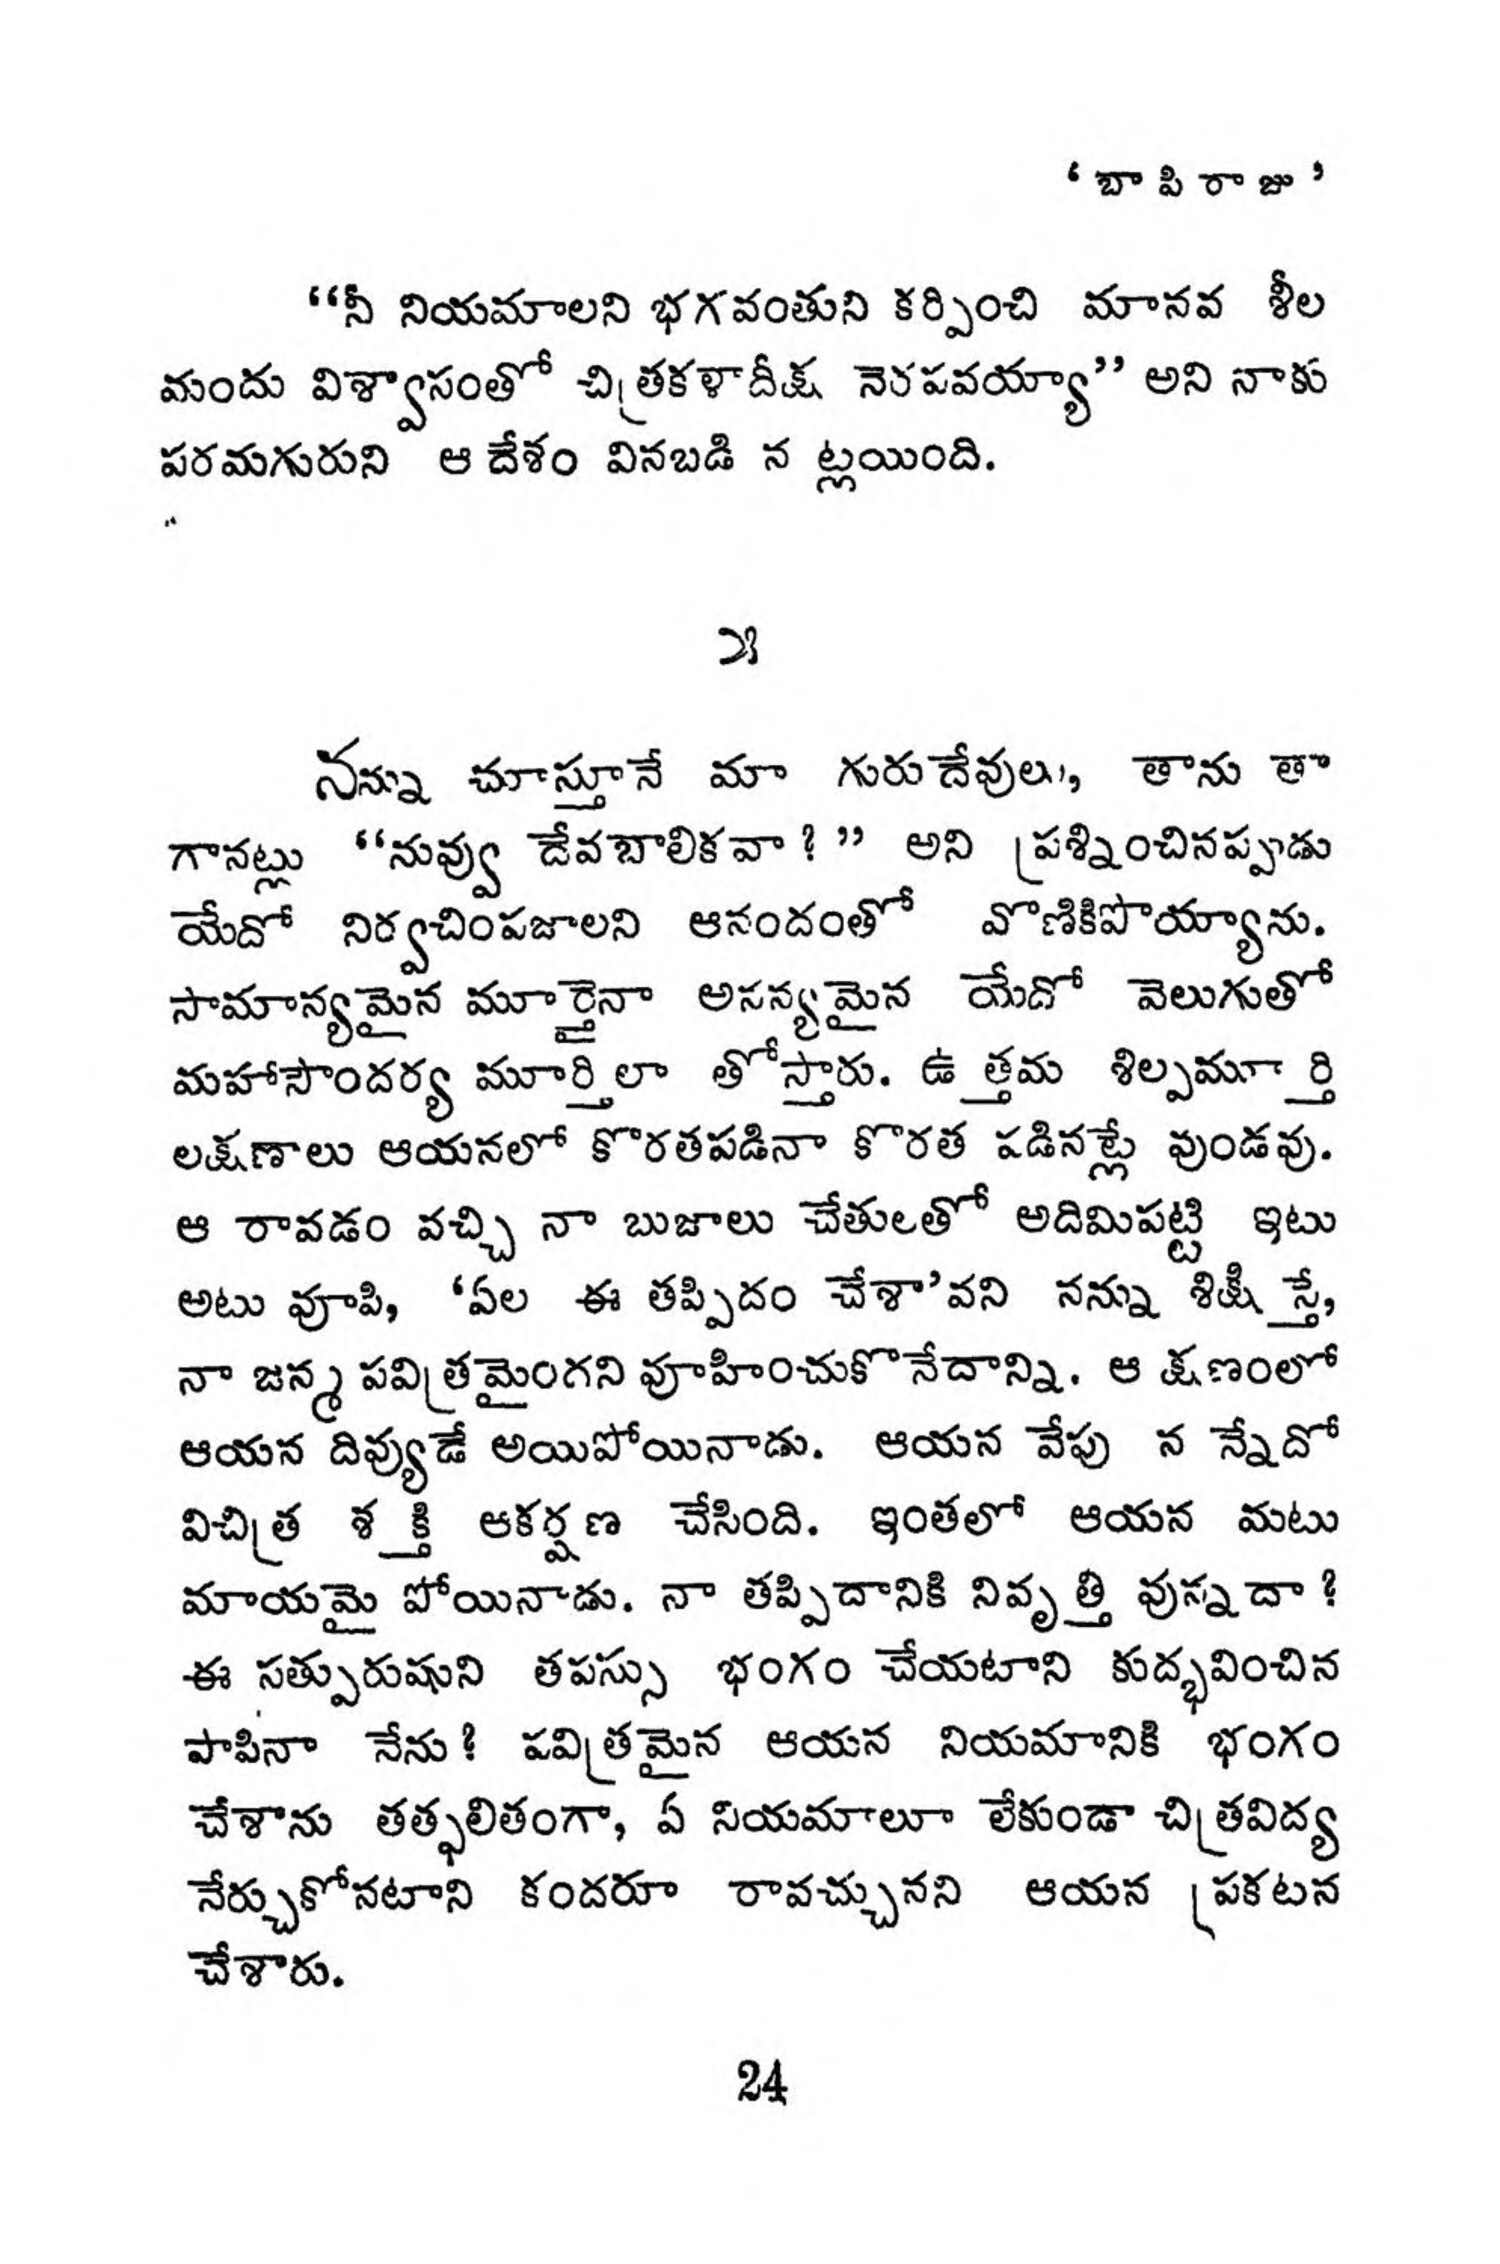“నీ నియమాలని భగవంతుని కర్పించి మానవ శీల మందు విశ్వాసంతో చిత్రకళాదీక్ష నెరపవయ్యా” అని నాకు పరమగురుని ఆదేశం వినబడి న ట్లయింది.

5

నన్ను చూస్తూనే మా గురుదేవులు, తాను తా గానట్లు “నువ్వు దేవబాలికవా?” అని ప్రశ్నించినప్పుడు యేదో నిర్వచింపజాలని ఆనందంతో వొణికిపొయ్యాను. సామాన్యమైన మూర్తైనా అనన్యమైన యేదో వెలుగుతో మహాసౌందర్య మూర్తిలా తోస్తారు. ఉత్తమ శిల్పమూర్తి లక్షణాలు ఆయనలో కొరతపడినా కొరత పడినట్లే వుండవు. ఆ రావడం వచ్చి నా బుజాలు చేతులతో అదిమిపట్టి ఇటు అటు వూపి, ‘ఏల ఈ తప్పిదం చేశా’వని నన్ను శిక్షిస్తే, నా జన్మ పవిత్రమైందని వూహించుకొనేదాన్ని. ఆ క్షణంలో ఆయన దివ్యుడే అయిపోయినాడు. ఆయన వేపు న న్నేదో విచిత్ర శక్తి ఆకర్షణ చేసింది. ఇంతలో ఆయన మటు మాయమై పోయినాడు. నా తప్పిదానికి నివృత్తి వున్నదా? ఈ సత్పురుషుని తపస్సు భంగం చేయటాని కుద్భవించిన పాపినా నేను? పవిత్రమైన ఆయన నియమానికి భంగం చేశాను తత్ఫలితంగా, ఏ నియమాలూ లేకుండా చిత్రవిద్య నేర్చుకోనటాని కందరూ రావచ్చునని ఆయన ప్రకటన చేశారు.